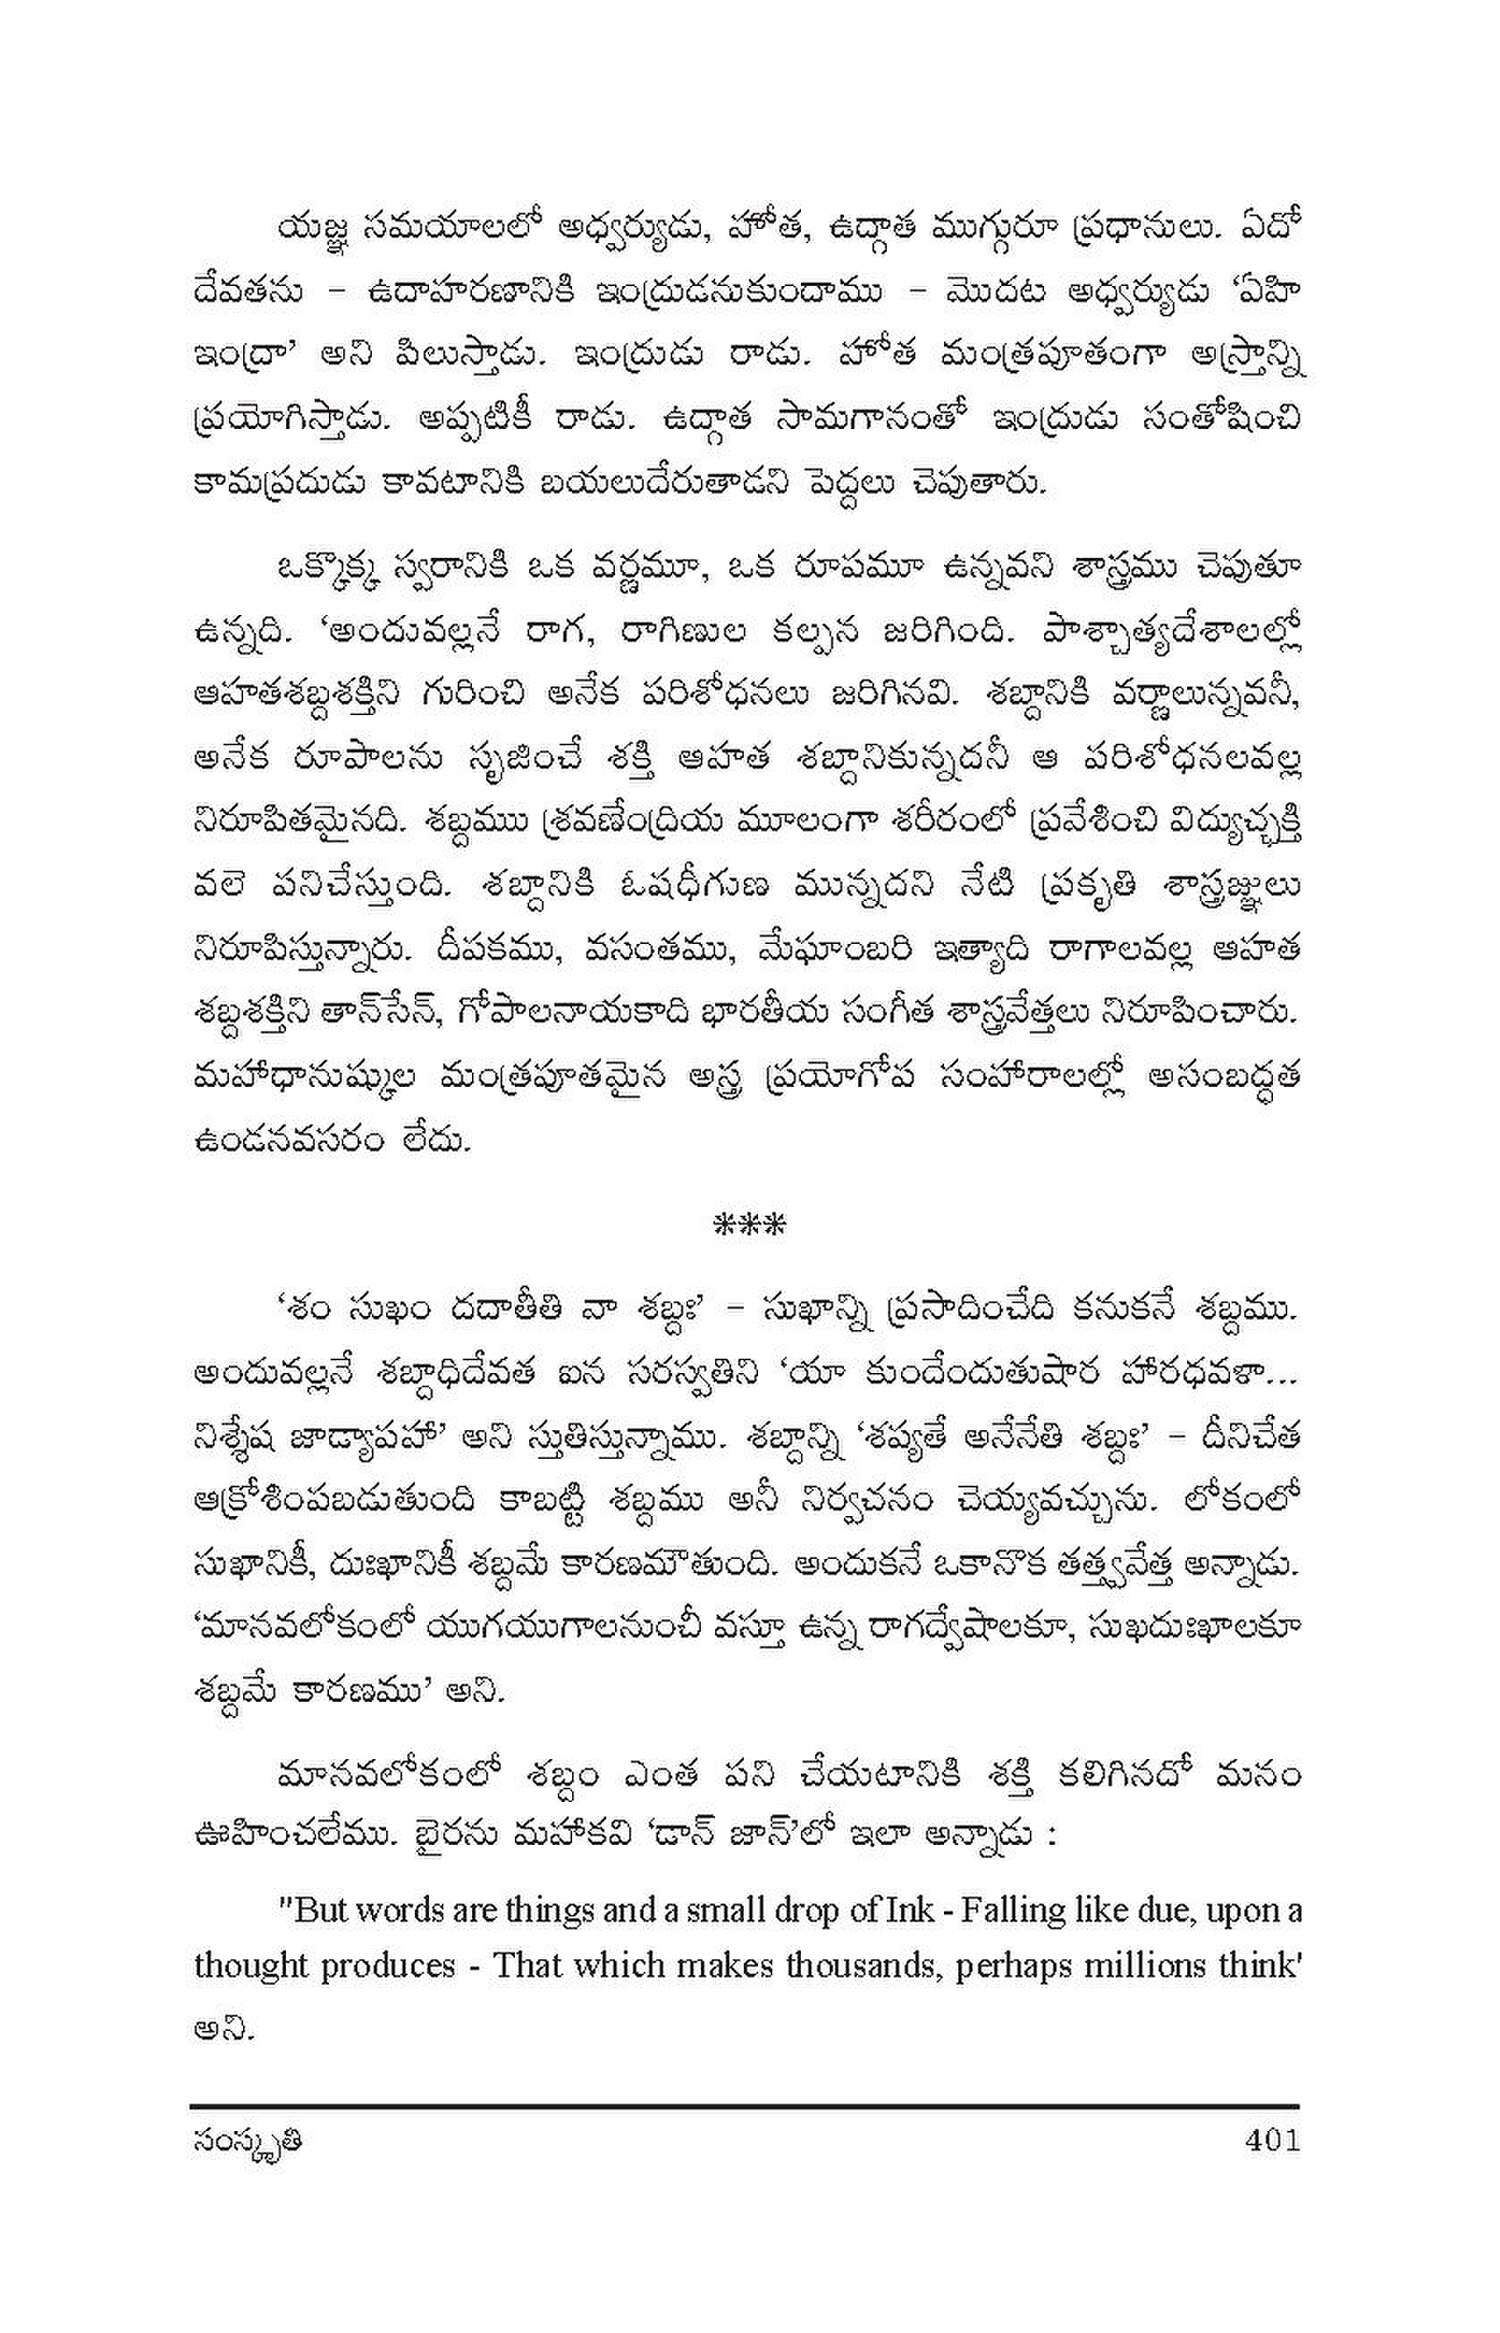యజ్ఞ సమయాలలో అధ్వర్యుడు, హోత, ఉద్గాత ముగ్గురూ ప్రధానులు. ఏదో
దేవతను - ఉదాహరణానికి ఇంద్రుడనుకుందాము - మొదట అధ్వర్యుడు 'ఏహి
ఇంద్రా' అని పిలుస్తాడు. ఇంద్రుడు రాడు. హోత మంత్రపూతంగా అస్త్రాన్ని
ప్రయోగిస్తాడు. అప్పటికీ రాడు. ఉద్గాత సామగానంతో ఇంద్రుడు సంతోషించి
కామప్రదుడు కావటానికి బయలుదేరుతాడని పెద్దలు చెపుతారు.

ఒక్కొక్క స్వరానికి ఒక వర్ణమూ, ఒక రూపమూ ఉన్నవని శాస్త్రము చెపుతూ
ఉన్నది. 'అందువల్లనే రాగ, రాగిణుల కల్పన జరిగింది. పాశ్చాత్యదేశాలల్లో
ఆహతశబ్దశక్తిని గురించి అనేక పరిశోధనలు జరిగినవి. శబ్దానికి వర్ణాలున్నవనీ,
అనేక రూపాలను సృజించే శక్తి ఆహత శబ్దానికున్నదనీ ఆ పరిశోధనలవల్ల
నిరూపితమైనది. శబ్దము శ్రవణేంద్రియ మూలంగా శరీరంలో ప్రవేశించి విద్యుచ్ఛక్తి
వలె పనిచేస్తుంది. శబ్దానికి ఓషధీగుణ మున్నదని నేటి ప్రకృతి శాస్త్రజ్ఞులు
నిరూపిస్తున్నారు. దీపకము, వసంతము, మేఘాంబరి ఇత్యాది రాగాలవల్ల ఆహత
శబ్దశక్తిని తాన్సేన్, గోపాలనాయకాది భారతీయ సంగీత శాస్త్రవేత్తలు నిరూపించారు.
మహాధానుష్కుల మంత్రపూతమైన అస్త్ర ప్రయోగోప సంహారాలల్లో అసంబద్ధత
ఉండనవసరం లేదు.

'శం సుఖం దదాతీతి నా శబ్దః - సుఖాన్ని ప్రసాదించేది కనుకనే శబ్దము.
అందువల్లనే శబ్దాధిదేవత ఐన సరస్వతిని 'యా కుందేందుతుషార హారధవళా...
నిశ్శేష జాడ్యాపహా' అని స్తుతిస్తున్నాము. శబ్దాన్ని 'శప్యతే అనేనేతి శబ్దః' - దీనిచేత
ఆక్రోశింపబడుతుంది కాబట్టి శబ్దము అనీ నిర్వచనం చెయ్యవచ్చును. లోకంలో
సుఖానికీ, దుఃఖానికీ శబ్దమే కారణమౌతుంది. అందుకనే ఒకానొక తత్త్వవేత్త అన్నాడు.
'మానవలోకంలో యుగయుగాలనుంచీ వస్తూ ఉన్న రాగద్వేషాలకూ, సుఖదుఃఖాలకూ
శబ్దమే కారణము' అని.

మానవలోకంలో శబ్దం ఎంత పని చేయటానికి శక్తి కలిగినదో మనంఊహించలేము. బైరను మహాకవి 'డాన్ జాన్'లో ఇలా అన్నాడు :

"But words are things and a small drop of Ink - Falling like due, upon a
thought produces - That which makes thousands, perhaps millions think'
అని.